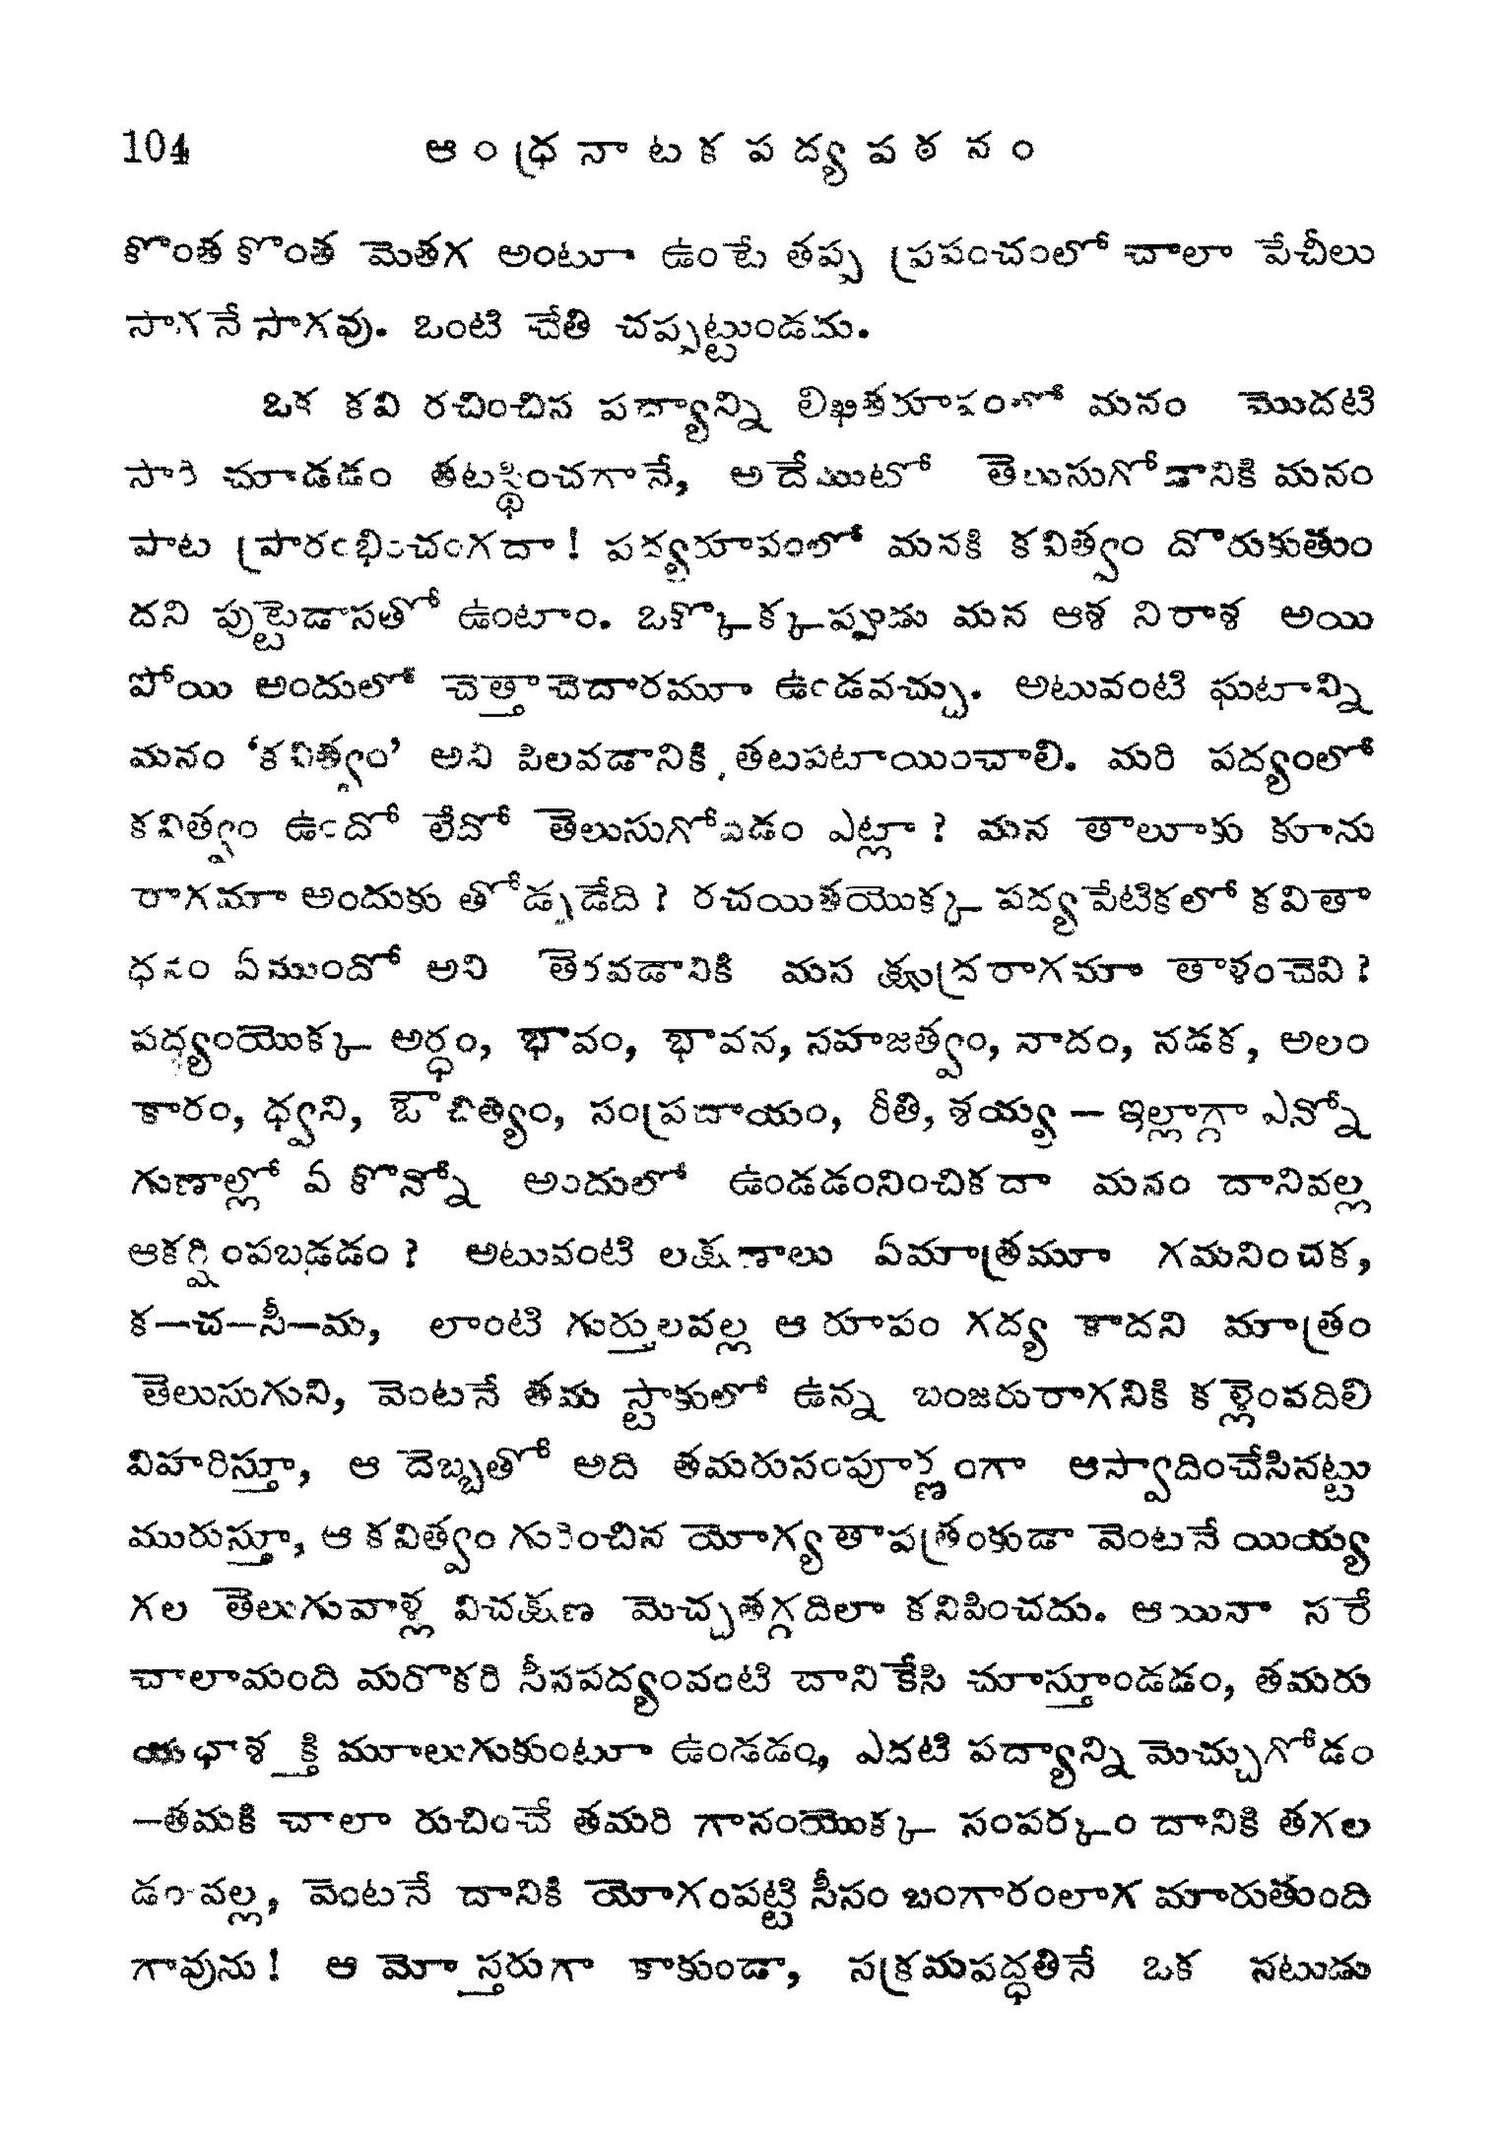కొంత కొంత మెతగ అంటూ ఉంటే తప్ప ప్రపంచంలో చాలా పేచీలు
సాగనేసాగవు. ఒంటి చేతి చప్పట్టుండదు.

ఒక కవి రచించిన పద్యాన్ని లిఖితరూపంలో మనం మొదటి
సారి చూడడం తటస్థించగానే, అదేముటో తెలుసుగోడానికి మనం
పాట ప్రారంభించంగదా ! పద్యరూపంలో మనకి కవిత్వం దొరుకుతుం
దని పుట్టెడాసతో ఉంటాం. ఒక్కొక్కప్పుడు మన ఆశ నిరాశ అయి
పోయి అందులో చెత్తాచెదారమూ ఉండవచ్చు. అటువంటి ఘటాన్ని
మనం 'కవిత్వం' అని పిలవడానికి, తటపటాయించాలి. మరి పద్యంలో
కవిత్వం ఉందో లేదో తెలుసుగోవడం ఎట్లా ? మన తాలూకు కూను
రాగమా అందుకు తోడ్పడేది! రచయితయొక్క పద్యపేటికలో కవితా
ధనం ఏముందో అని తెరవడానికి మన క్షుద్రరాగమా తాళంచెవి ?
పద్యంయొక్క అర్ధం, భావం, భావన, సహజత్వం, నాదం, నడక, అలం
కారం, ధ్వని, ఔచిత్యం, సంప్రదాయం, రీతి, శయ్య - ఇల్లాగ్గా ఎన్నో
గుణాల్లో ఏ కొన్నో అందులో ఉండడంనించికదా మనం దానివల్ల
ఆకర్షింపబడడం ? అటువంటి లక్షణాలు ఏమాత్రమూ గమనించక,
క-చ—సీ—మ, లాంటి గుర్తులవల్ల ఆ రూపం గద్య కాదని మాత్రం
తెలుసుగుని, వెంటనే తమ స్టాకులో ఉన్న బంజరురాగనికి కళ్లెంవదిలి
విహరిస్తూ, ఆ దెబ్బతో అది తమరుసంపూర్ణంగా ఆస్వాదించేసినట్టు
మురుస్తూ, ఆ కవిత్వం గురించిన యోగ్యతాపత్రంకుడా వెంటనే యియ్య
గల తెలుగువాళ్ల విచక్షణ మెచ్చతగ్గదిలా కనిపించదు. అయినా సరే
చాలామంది మరొకరి సీసపద్యంవంటి దానికేసి చూస్తూండడం, తమరు
యధాశక్తి మూలుగుకుంటూ ఉండడం, ఎదటి పద్యాన్ని మెచ్చుగోడం
-తమకి చాలా రుచించే తమరి గానంయొక్క సంపర్కం దానికి తగల
డంవల్ల, వెంటనే దానికి యోగంపట్టి సీసం బంగారంలాగ మారుతుంది
గావును! ఆ మోస్తరుగా కాకుండా, సక్రమపద్ధతినే ఒక నటుడు